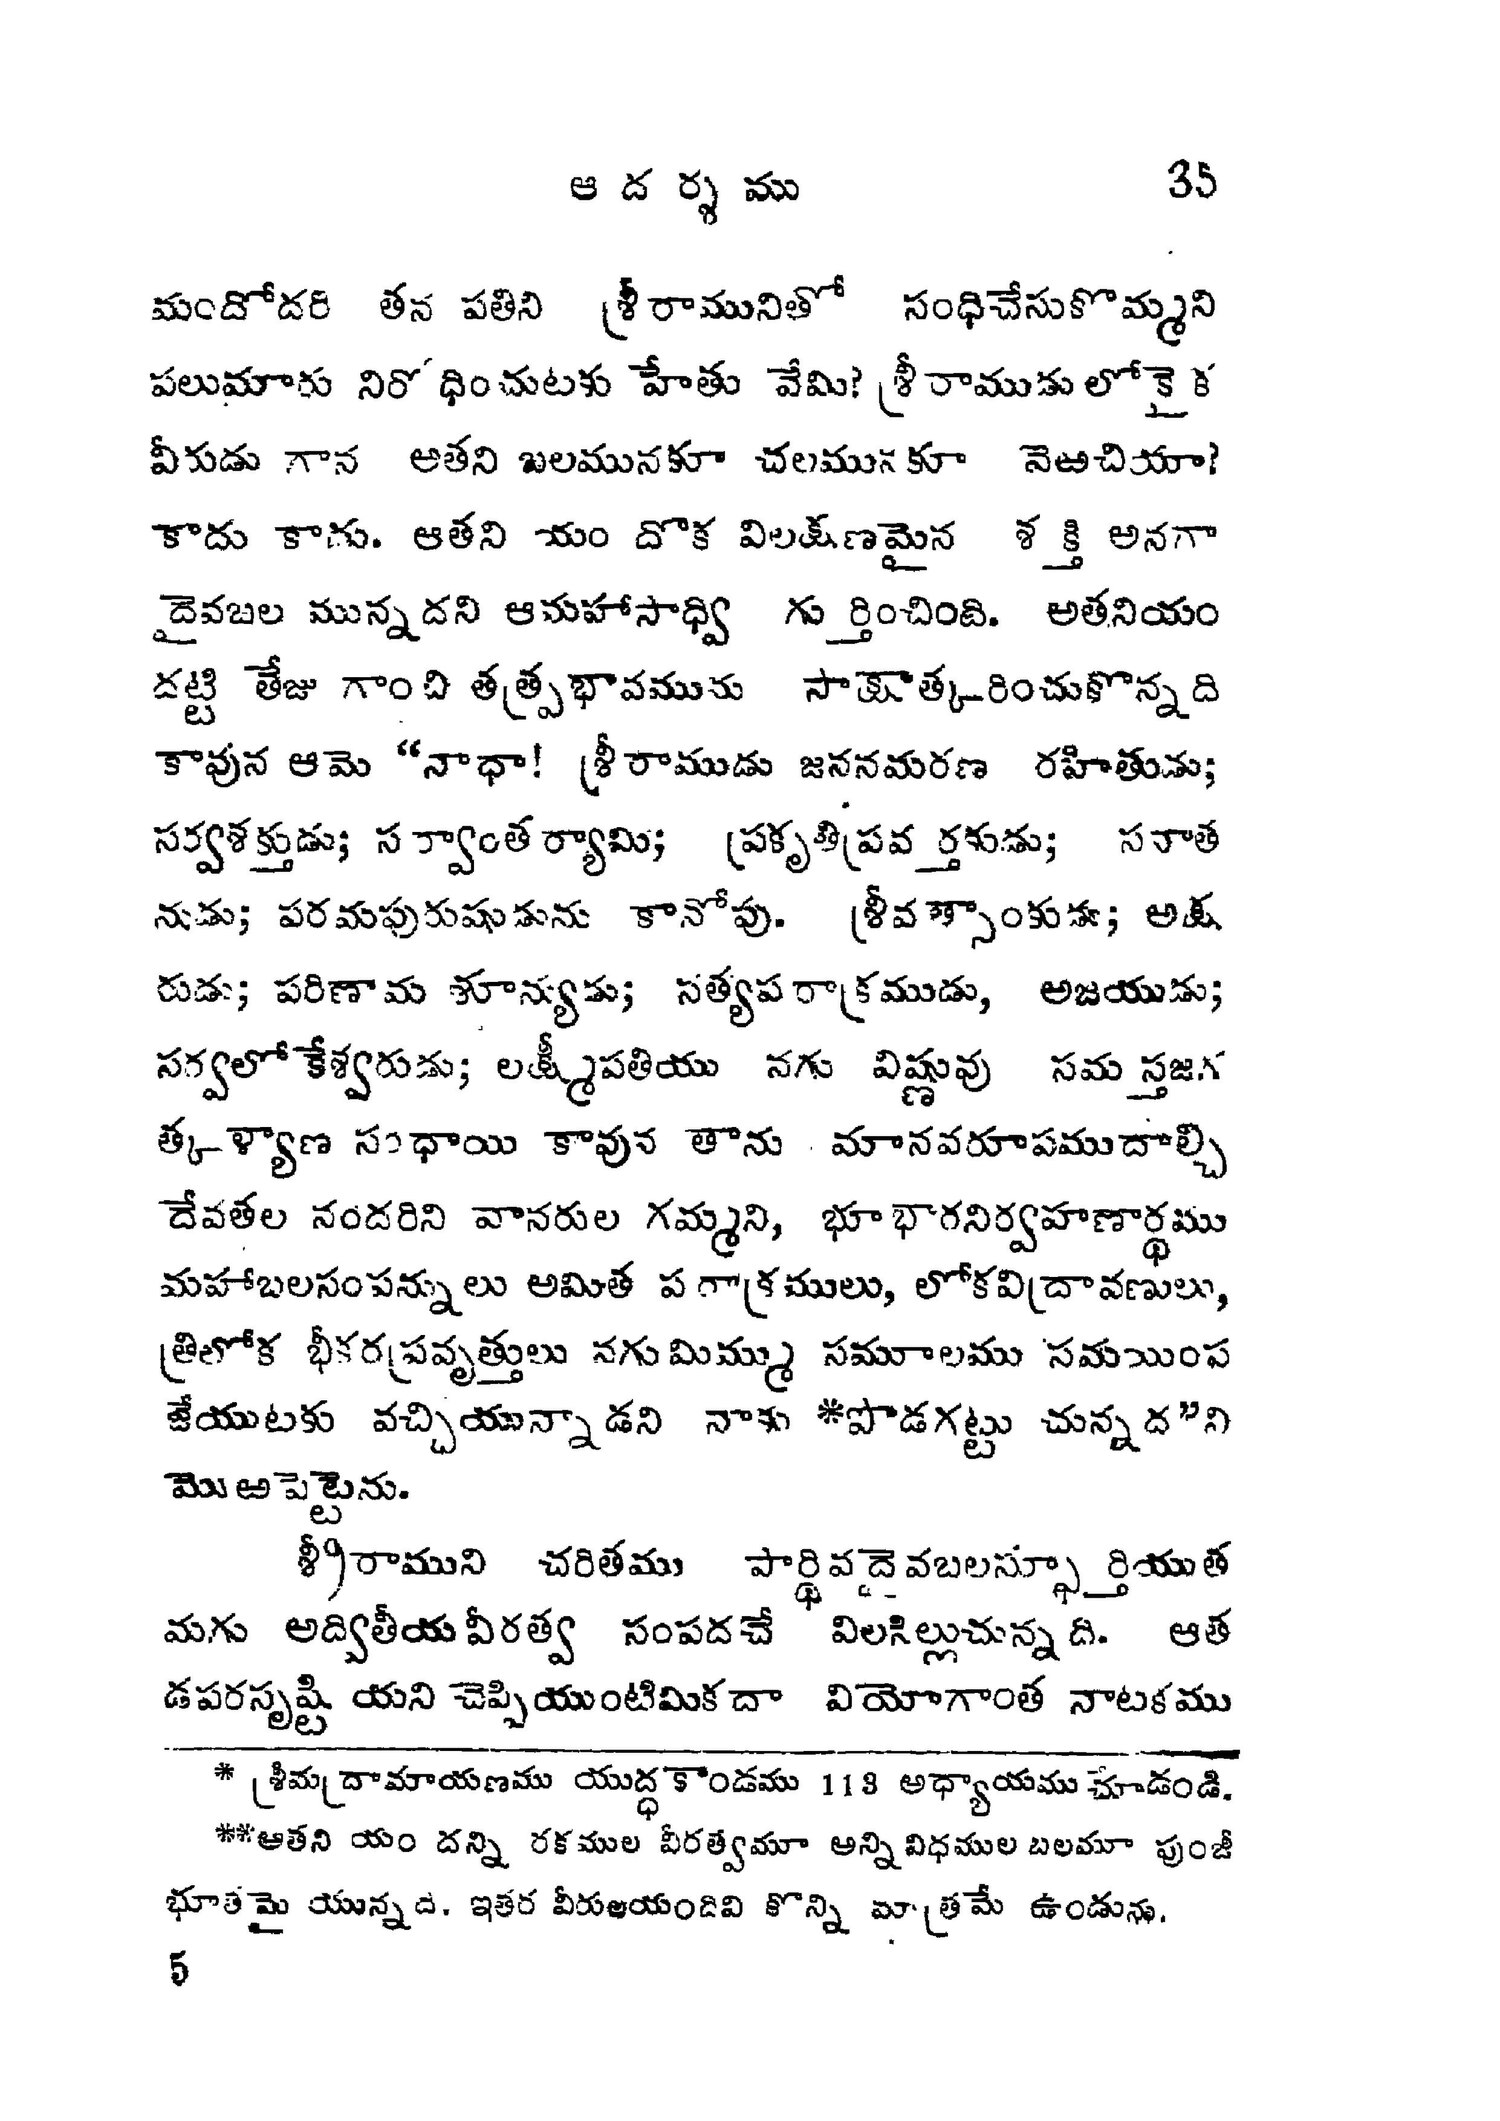మందోదరి తన పతిని శ్రీరామునితో సంధిచేసుకొమ్మని పలుమారు నిరోధించుటకు హేతు వేమి? శ్రీరాముడు లోకైక వీరుడు గాన అతని బలమునకూ చలమునకూ వెఱచియా? కాదు కాదు. ఆతని యం దొక విలక్షణమైన శక్తి అనగా దైవబల మున్నదని ఆమహాసాధ్వి గుర్తించింది. అతనియందట్టి తేజు గాంచి తత్ప్రభావమును సాక్షాత్కరించుకొన్నది కావున ఆమె "నాధా! శ్రీరాముడు జననమరణ రహితుడు; సర్వశక్తుడు; సర్వాంతర్యామి; ప్రకృతిప్రవర్తకుడు; సనాతనుడు; పరమపురుషుడును కానోవు. శ్రీవత్సాంకుడు; అక్షరుడు; పరిణామ శూన్యుడు; సత్యపరాక్రముడు, అజయుడు; సర్వలోకేశ్వరుడు; లక్ష్మీపతియు నగు విష్ణువు సమస్తజగత్కళ్యాణ సంధాయి కావున తాను మానవరూపముదాల్చి దేవతల నందరిని వానరుల గమ్మని, భూభారనిర్వహణార్థము మహాబలసంపన్నులు అమిత పరాక్రములు, లోకవిద్రావణులు, త్రిలోక భీకరప్రవృత్తులు నగుమిమ్ము సమూలము సమయింప జేయుటకు వచ్చియున్నాడని నాకు * పొడగట్టు చున్నద"ని మొఱపెట్టెను.

శ్రీరాముని చరితము పార్థివదైవబలస్ఫూర్తియుతమగు అద్వితీయవీరత్వ సంపదచే విలసిల్లుచున్నది. ఆత డపరసృష్టి యని చెప్పియుంటిమికదా వియోగాంత నాటకము